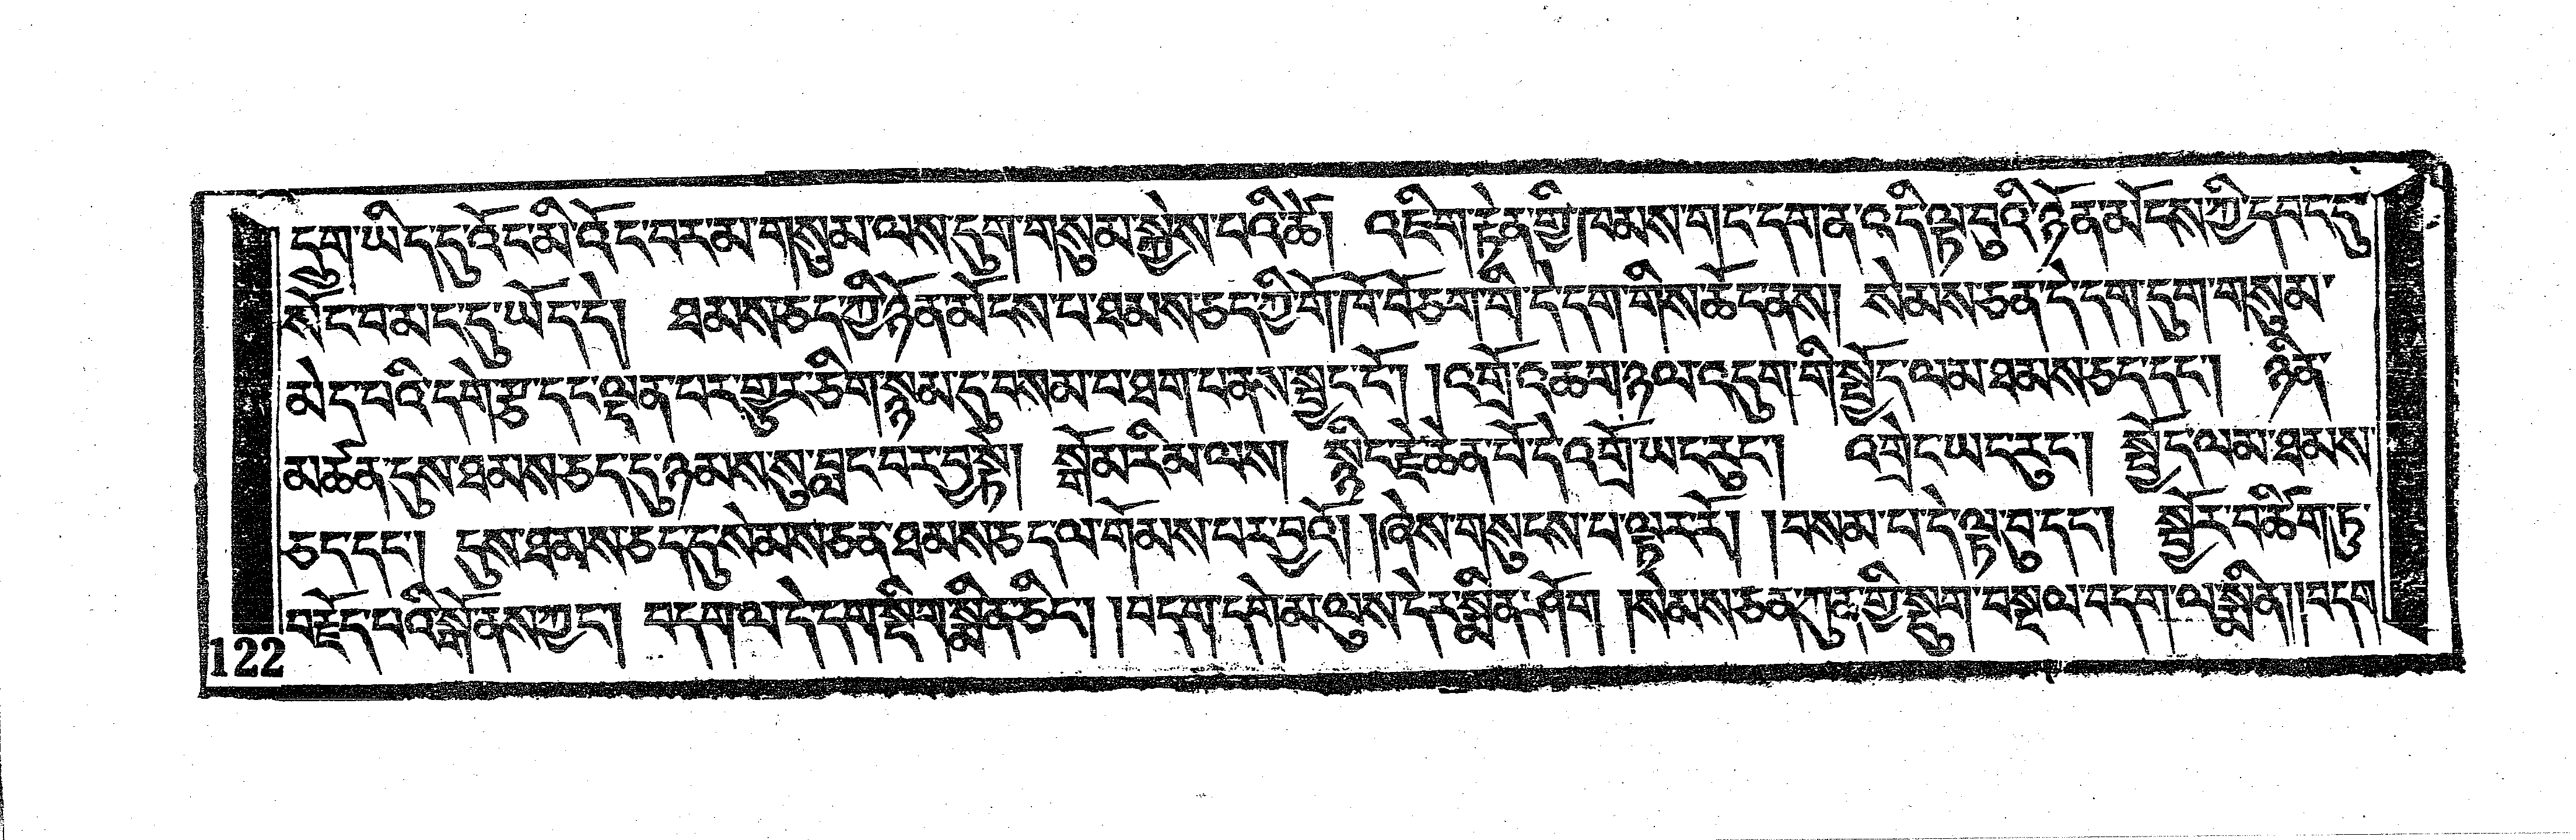དྲུག་ཡིད་དུ་འོང་མི་འོང་བར་མ་གསུམ་ལས་དུག་གསུམ་སྐྱེས་པའི་ཚེ། འཇིག་རྟེན་གྱི་ཁམས་གང་དག་ན་འདི་ལྟ་བུའི་ཉོན་མོངས་ཀྱི་དབང་དུ་
སོང་བ་མང་དུ་ཡོད་དེ། ཐམས་ཅད་ཀྱི་ཉོན་མོངས་པ་ཐམས་ཅད་ཀྱི་གོ་ཁོ་བོ་ཅག་གི་དེ་དག་གིས་ཆོད་ནས། སེམས་ཅན་དེ་དག་དུག་གསུམ་
མེད་པའི་དགེ་རྩ་དང་ལྡན་པར་གྱུར་ཅིག་སྙམ་དུ་བསམ་པ་ཐག་པ་ནས་སྦྱང་ངོ། །འགྲོ་འཆག་ཉལ་འདུག་གི་སྤྱོད་ལམ་ཐམས་ཅད་དང་། ཉིན་
མཚན་དུས་ཐམས་ཅད་དུ་ཉམས་སུ་བླང་བར་བྱ་སྟེ། སྒོམ་རིམ་ལས། སྙིང་རྗེ་ཆེན་པོ་དེ་འགྲོ་ཡང་རུང་། འགྲེང་ཡང་རུང་། སྤྱོད་ལམ་ཐམས་
ཅད་དང་། དུས་ཐམས་ཅད་དུ་སེམས་ཅན་ཐམས་ཅད་ལ་གོམས་པར་བྱའོ། །ཞེས་གསུངས་པ་ལྟར་རོ། །བསམ་པ་དེ་ལྟ་བུ་དང་། སྦྱོར་བ་ཚིག་ཏུ་
བརྗོད་པའི་སྒོ་ནས་ཀྱང་། བདག་ལ་དེ་དག་སྡིག་སྨིན་ཅིང་། །བདག་དགེ་མ་ལུས་དེར་སྨིན་ཤོག །སེམས་ཅན་ཀུན་གྱི་སྡུག་བསྔལ་བདག་ལ་སྨིན། །བདག་